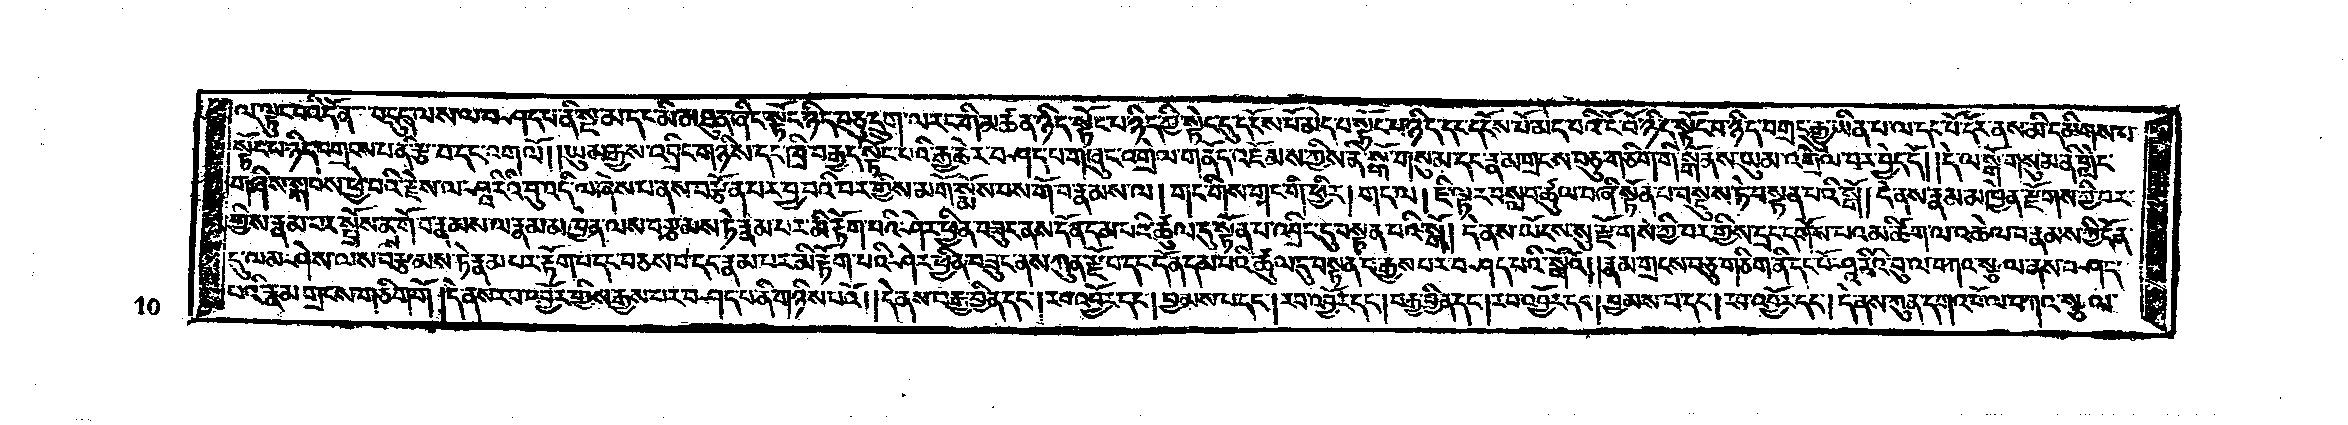ལ་ལྟུང་བའི་དོན་བདུད་ལས་ལ་བཤད་པ་ནི་སྔ་མ་དང་མི་མཐུན་ཞིང་སྟོང་ཉིད་བཅུ་དྲུག་ལ་རང་གི་མཚན་ཉིད་སྟོང་པ་ཉིད་ཀྱི་སྟེང་དུ་དངོས་པོ་མེད་པ་སྟོང་པ་ཉིད་དང་དངོས་པོ་མེད་པའི་ངོ་བོ་ཉིད་སྟོང་པ་ཉིད་བགྲང་རྒྱུ་ཡིན་པ་ལ་དང་པོ་དོར་ནས་མི་དམིགས་པ་
སྟོང་པ་ཉིད་བགྲངས་པ་ནི་རྩ་བ་དང་འགལ་ལོ། །ཡུམ་རྒྱས་འབྲིང་གཉིས་དང་ཁྲི་བརྒྱད་སྟོང་པའི་རྒྱ་ཆེར་བཤད་པ་གཞུང་འགྲེལ་གནོད་འཇོམས་ཀྱིས་ནི་སྒོ་གསུམ་དང་རྣམ་གྲངས་བཅུ་གཅིག་གི་སྒོ་ནས་ཡུམ་འགྲེལ་བར་བྱེད་དོ། །དེ་ལ་སྒོ་གསུམ་ནི་གླེང་
གཞིས་སྐབས་ཕྱེ་བའི་རྗེས་ལ་ཤཱ་རིའི་བུ་འདི་ལ་ཞེས་པ་ནས་བརྩོན་པར་བྱ་བའི་བར་གྱིས་མགོ་སྨོས་པས་གོ་བ་རྣམས་ལ། གང་གིས་གང་གི་ཕྱིར། གང་ལ། ཇི་ལྟར་བསླབ་ཚུལ་བཞི་སྟོན་པ་བསྡུས་ཏེ་བསྟན་པའི་སྒོ། དེ་ནས་རྣམ་མཁྱེན་རྫོགས་ཀྱི་བར་
གྱིས་རྣམ་པར་སྤྲོས་ནས་གོ་བ་རྣམས་ལ་རྣམ་མཁྱེན་ལས་བརྩམས་ཏེ་རྣམ་པར་མི་རྟོག་པའི་ཤེར་ཕྱིན་བཟུང་ནས་དོན་དམ་པའི་ཚུལ་དུ་སྟོན་པ་འབྲིང་དུ་བསྟན་པའི་སྒོ། དེ་ནས་ཡོངས་སུ་རྫོགས་ཀྱི་བར་གྱིས་དྲང་དགོས་པའམ་ཚིག་ལ་འཆེལ་བ་རྣམས་ཀྱི་དོན་
དུ་ལམ་ཤེས་ལས་བརྩམས་ཏེ་རྣམ་པར་རྟོག་པ་དང་བཅས་པ་དང་རྣམ་པར་མི་རྟོག་པའི་ཤེར་ཕྱིན་བཟུང་ནས་ཀུན་རྫོབ་དང་དོན་དམ་པའི་ཚུལ་དུ་བསྟན་པ་རྒྱས་པར་བཤད་པའི་སྒོའོ། །རྣམ་གྲངས་བཅུ་གཅིག་ནི་དང་པོ་ཤཱ་རིའི་བུ་ལ་བཀའ་སྩལ་ནས་བཤད་
པའི་རྣམ་གྲངས་གཅིག་གོ །དེ་ནས་རབ་འབྱོར་གྱིས་རྒྱས་པར་བཤད་པ་ནི་གཉིས་པའོ། །དེ་ནས་བརྒྱ་བྱིན་དང་། རབ་འབྱོར་དང་། བྱམས་པ་དང་། རབ་འབྱོར་དང་། བརྒྱ་བྱིན་དང་། རབ་འབྱོར་དང་། བྱམས་པ་དང་། རབ་འབྱོར་དང་། དེ་ནས་ཀུན་དགའ་བོ་ལ་བཀའ་སྩལ་